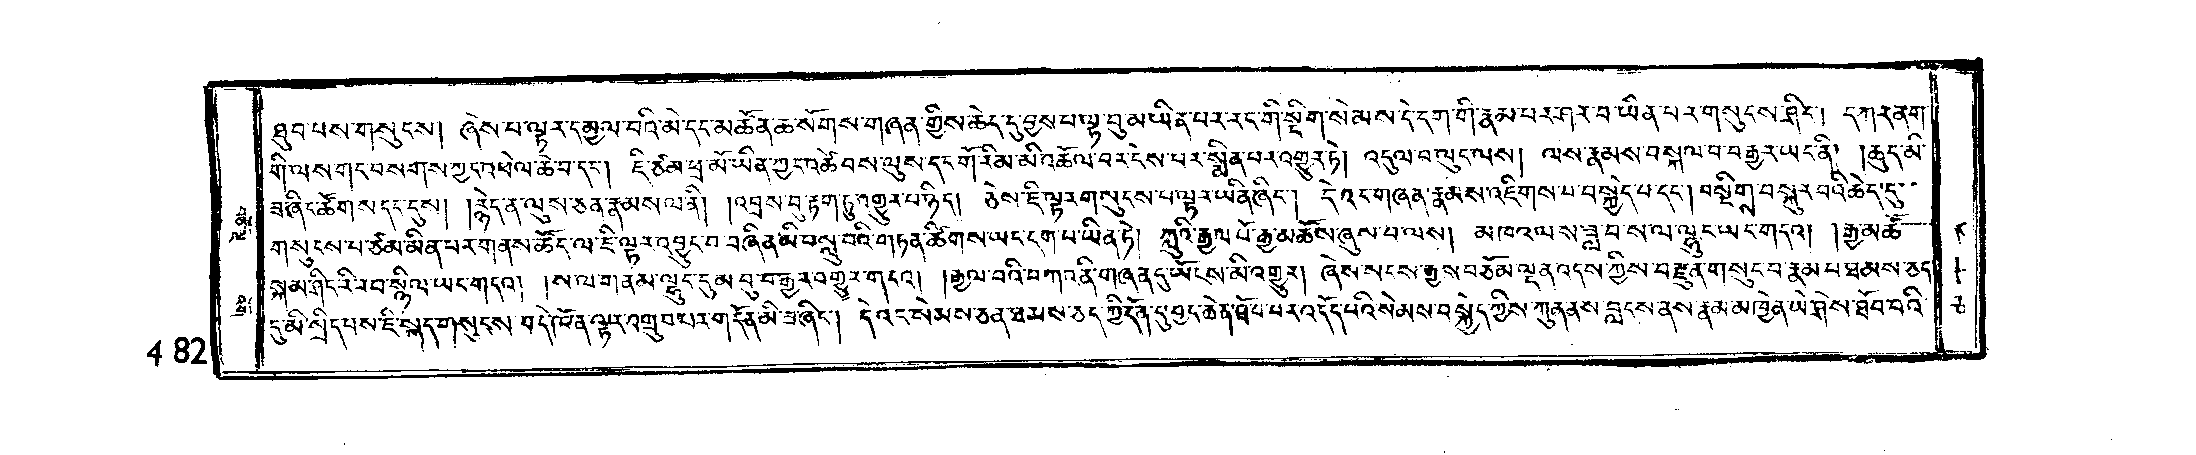ཐུབ་པས་གསུངས། ཞེས་པ་ལྟར་དམྱལ་བའི་མེ་དང་མཚོན་ཆ་སོགས་གཞན་གྱིས་ཆེད་དུ་བྱས་པ་ལྟ་བུ་མ་ཡིན་པར་རང་གི་སྡིག་སེམས་དེ་དག་གི་རྣམ་པར་ཤར་བ་ཡིན་པར་གསུངས་ཤིང་། དཀར་ནག་
གི་ལས་གང་བསགས་ཀྱང་འཕེལ་ཆེ་བ་དང་། ཇི་ཙམ་ཕྲ་མོ་ཡིན་ཀྱང་འཚེ་བས་ལུས་དང་གོ་རིམ་མི་འཆོལ་བར་ངེས་པར་སྨིན་པར་འགྱུར་ཏེ། འདུལ་བ་ལུང་ལས། ལས་རྣམས་བསྐལ་བ་བརྒྱར་ཡང་ནི། །ཆུད་མི་
ཟ་ཞིང་ཚོགས་དང་དུས། །རྙེད་ན་ལུས་ཅན་རྣམས་ལ་ནི། །འབྲས་བུ་རྟག་ཏུ་འགྱུར་པ་ཉིད། ཅེས་ཇི་ལྟར་གསུངས་པ་ལྟར་ཡིན་ཞིང་། དེའང་གཞན་རྣམས་འཇིགས་པ་བསྐྱེད་པ་དང་། བསྡིགས་བསྐུར་བའི་ཆེད་དུ་
གསུངས་པ་ཙམ་མིན་པར་གནས་ཚོད་ལ་ཇི་ལྟར་འབྱུང་བ་བཞིན་མི་བསླུ་བའི་གཏན་ཚིགས་ཡང་དག་པ་ཡིན་ཏེ། ཀླུའི་རྒྱལ་པོ་རྒྱ་མཚོས་ཞུས་པ་ལས། མཁའ་ལས་ཟླ་བ་ས་ལ་ལྷུང་ཡང་གདའ། །རྒྱ་མཚོ་
སྐམ་ཤིང་རི་རབ་སྙིལ་ཡང་གདའ། །ས་ལ་གནམ་ལྷུང་དུམ་བུ་བརྒྱར་བགྱུར་གདའ། །རྒྱལ་བའི་བཀའ་ནི་གཞན་དུ་ཡོངས་མི་འགྱུར། ཞེས་སངས་རྒྱས་བཅོམ་ལྡན་འདས་ཀྱིས་བརྫུན་གསུང་བ་རྣམ་པ་ཐམས་ཅད་
དུ་མི་སྲིད་པས་ཇི་སྐད་གསུངས་བདེ་ཁོ་ན་ལྟར་འགྲུབ་པར་གདོན་མི་ཟ་ཞིང་། དེའང་སེམས་ཅན་ཐམས་ཅད་ཀྱི་དོན་དུ་བྱང་ཆེན་ཐོབ་པར་འདོད་པའི་སེམས་བསྐྱེད་ཀྱིས་ཀུན་ནས་བླངས་ནས་རྣམ་མཁྱེན་ཡེ་ཤེས་ཐོབ་པའི་